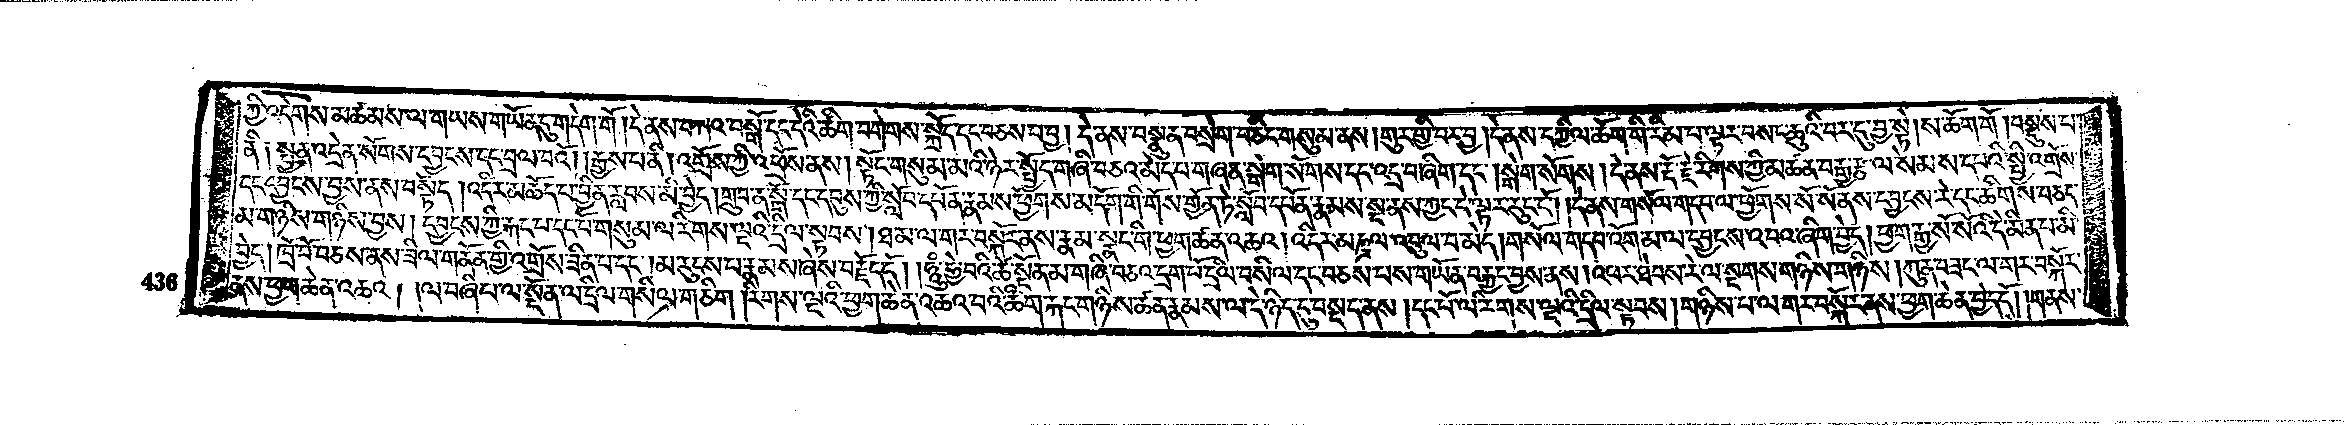ཀྱི་འདེགས་མཚམས་ལ་གཡས་གཡོན་དུ་གདེག་གོ། དེ་ནས་བཀའ་བསྒོ་དང་དེའི་ཚིག་བགེགས་སྐྲོད་དང་བཅས་པ་བྱ། དེ་ནས་བསྣུན་བསྲེག་བཅིང་གསུམ་ནས། གུར་གྱི་བར་བྱ། དེ་ནས་དཀྱིལ་ཆོག་གི་རིམ་པ་ལྟར་བསང་ཆུའི་བར་དུ་བྱ་སྟེ། ས་ཆོག་གོ། བསྡུས་པ་
ནི། སྤྱན་འདྲེན་སོགས་དབྱངས་དང་བྲལ་བའོ། །རྒྱས་པ་ནི། འགྲོས་ཀྱི་འཕྲོས་ནས། སྟོང་གསུམ་མའི་ཉེར་སྤྱོད་གཞི་བཅའ་མེད་པ་གཞན་སྒེག་སོགས་དང་འདྲ་བ་ཞིག་དང་། སྒེག་སོགས། དེ་ནས་རྡོ་རྗེ་རིགས་ཀྱི་མཚན་བརྒྱ་རྩ་ལ་སེམས་དཔའི་སྤྱི་འགྲོས་
དང་དབྱངས་བྱས་ནས་བསྟོད། འདིར་མཆོད་པ་བྱིན་རླབས་མི་བྱེད། གྲུབ་ན་སྒོ་དང་དབུས་ཀྱི་སློབ་དཔོན་རྣམས་ཕྱོགས་མདོག་གི་གོས་གྱོན་ཏེ་སློབ་དཔོན་རྣམས་སྔ་ནས་ཀྱང་དེ་ལྟར་རུང་ངོ། །དེ་ནས་གསོལ་གདབ་ལ་ཕྱོགས་སོ་སོ་ནས་དབྱངས་རེ་དང་ཚིགས་བཅད་
མ་གཉིས་གཉིས་བྱས། དབྱངས་ཀྱི་རྐང་པ་དང་པོ་གསུམ་ལ་རིགས་ལྔའི་དྲིལ་སྟབས། ཐ་མ་ལ་གར་བསྐོར་ནས་རྣམ་སྣང་གི་ཕྱག་ཚན་འཆའ། འདིར་མཎྜལ་འབུལ་བ་མེད། གསོལ་གདབ་འོག་མ་ལ་དབྱངས་འབའ་ཞིག་བྱེད། ཕྱག་རྒྱ་སོ་སོའི་དེ་མིན་པ་མི་
བྱེད། ཁྲོ་བོ་བཅས་ནས་ཟིལ་གནོན་གྱི་འགྲོས་ཟིན་པ་དང་། མ་རུངས་པ་རྣམས་ཞེས་བརྗོད་དོ། །ཧཱུཾ་ཧྱེ་བའི་ཚེ་སྔོན་མ་གཞི་བཅའ་དྲག་པོ་དྲིལ་བསིལ་དང་བཅས་པས་གཡོན་བརྐྱང་བྱས་ནས། འཕར་ཐེབས་རེ་ལ་སྔགས་གཉིས་གཉིས། ཀུན་བཟང་ལ་གར་བསྐོར་
ནས་ཕྱག་ཆེན་འཆའ། ཞལ་བཞི་པ་ལ་སྔོན་ལ་དྲིལ་གསིལ་གཅིག །རིགས་ལྔའི་ཕྱག་ཆེན་འཆའ་བའི་ཚིག་རྐང་གཉིས་ཚན་གཉིས་ཚན་རྣམས་ལ་དེ་ཉིད་དུ་བསྡད་ནས། དང་པོ་ལ་རིགས་ལྔའི་དྲིལ་སྟབས། གཉིས་པ་ལ་གར་བསྐོར་ནས་ཕྱག་ཆེན་བྱེད་དོ། །གནས་